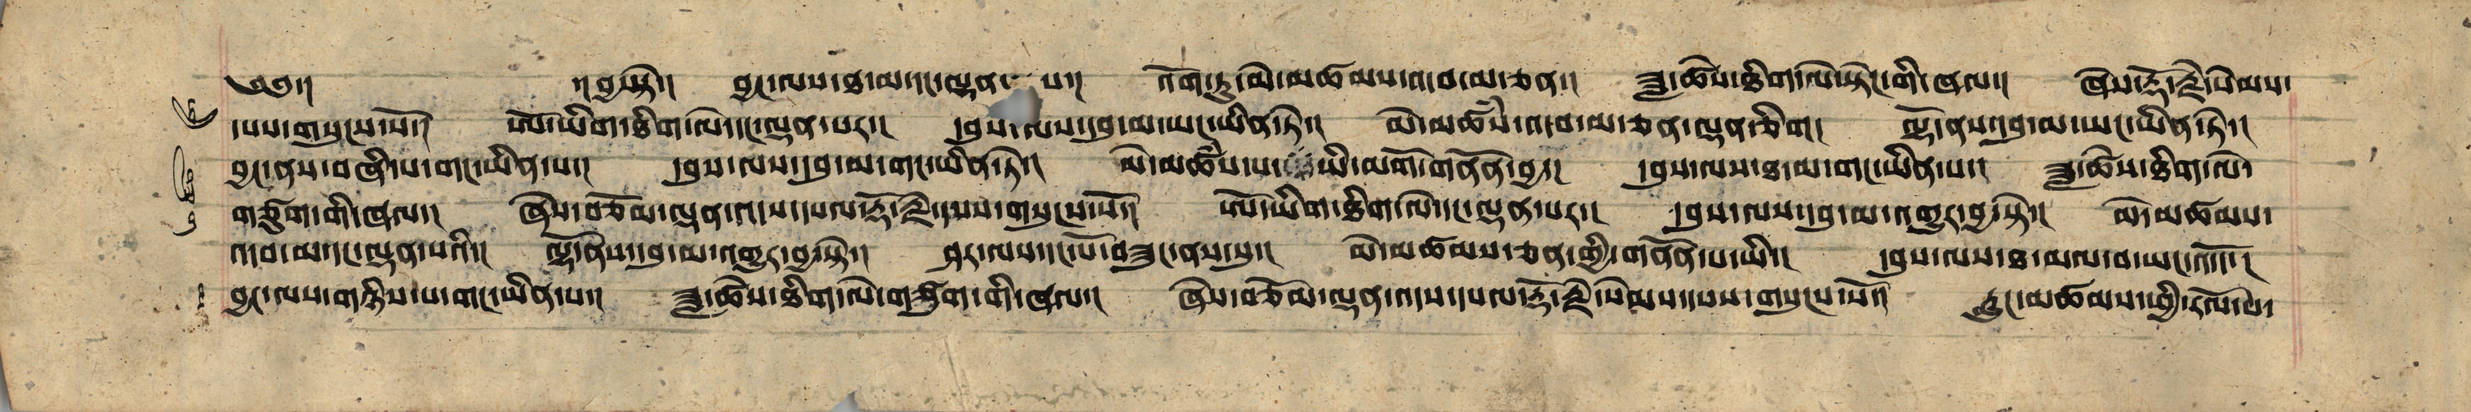༄༅་། ་།བྱ་སྟེ་། བྱང་ལས་ཐ་མ་དང་ལྡན་་པ་། འོག་ཏུ་མེ་མཚམས་འདབ་མ་ཅན་། ཟླ་ཚེས་ཐིག་ལེ་སྟེང་གི་ཞལ་། ཞེས་རྡོ་རྗེ་སེམས་
དཔས་གསུངས་སོ་། ཨོ་ཡིག་ཐིག་ལེ་དང་ལྡན་པར་། དབུས་ལས་དབུ་མ་ཡང་ཡིན་ཏེ་། མེ་མཚམས་འདབ་མ་ཅན་ལྷན་ཅིག། ལྷོ་ནས་དབུ་མ་ཡང་ཡིན་ཏེ་།
བྱང་ནས་བཞི་པ་གང་ཡིན་པ་། དབུས་ལས་དབུ་མ་གང་ཡིན་ཏེ་། མེ་མཚཾས་པ་ཡི་མགོ་གནོན་བྱ་། དབུས་ལས་ཐ་མ་གང་ཡིན་པ་། ཟླ་ཚེས་ཐིག་ལེ་
གཙུག་གི་ཞལ་། ཞེས་བཅོམ་ལྡན་འདས་དཔལ་རྡོ་རྗེ་དཔས་གསུངས་སོ་། ཨོ་ཡིག་ཐིག་ལེ་དང་ལྡན་པར་། དབུས་ལས་དབུ་མ་འགྱུར་བྱ་སྟེ་། མེ་མཚམས་
འདབ་མ་དང་ལྡན་པའི་། ལྷོ་ནས་དབུ་མ་འགྱུར་བྱ་སྟེ་། ཤར་ལས་དང་པོ་བཟུང་ནས་སུ་། མེ་མཚམས་ཅན་གྱི་གནོན་པ་ཡི་། དབུས་ལས་ཐ་མལ་བ་ཡང་འདོད་།
བྱང་ལས་གཉིས་པ་གང་ཡིན་པ་། ཟླ་ཚེས་ཐིག་ལེ་གཙུག་གི་ཞལ་། ཞེས་བཅོམ་ལྡན་འདས་དཔལ་རྡོ་རྗེ་སེམས་དཔས་གསུངས་སོ་། རླུང་མཚམས་ཕྱི་རོལ་པ་